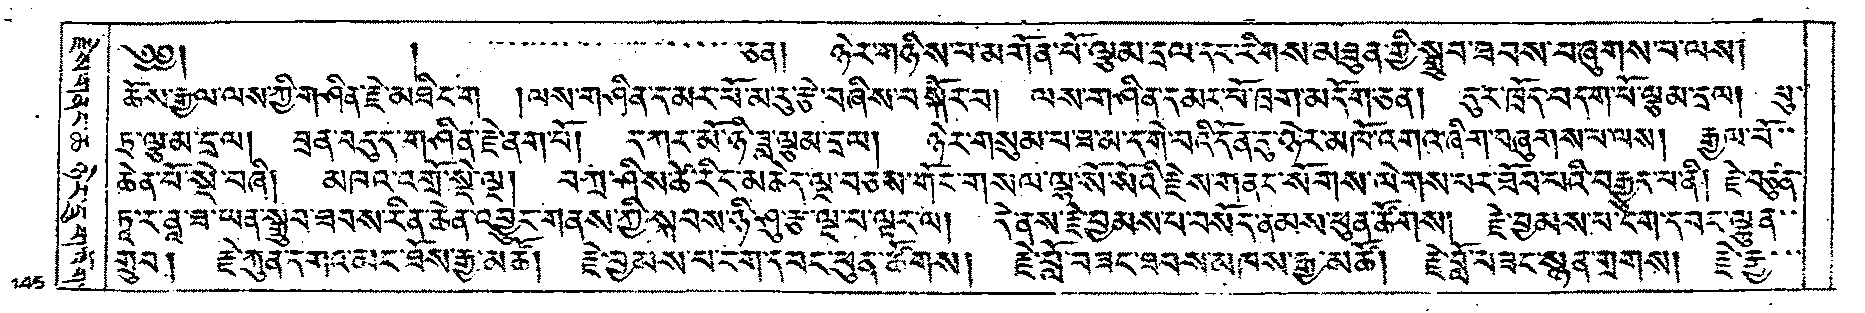༄༅། །ཅན། ཉེར་གཉིས་པ་མགོན་པོ་ལྕམ་དྲལ་དང་རིགས་མཐུན་གྱི་སྒྲུབ་ཐབས་བཞུགས་པ་ལས།
ཆོས་རྒྱལ་ལས་ཀྱི་གཤིན་རྗེ་མཐིང་ག །ལས་གཤིན་དམར་པོ་མ་རུ་རྩེ་བཞིས་བསྐོར་བ། ལས་གཤིན་དམར་པོ་ཁྲག་མདོག་ཅན། དུར་ཁྲོད་བདག་པོ་ལྕམ་དྲལ། པུ་
ཏྲ་ལྕམ་དྲལ། བྲན་བདུད་གཤིན་རྗེ་ནག་པོ། དཀར་མོ་ཉི་ཟླ་ལྕམ་དྲལ། ཉེར་གསུམ་པ་ཐ་མ་དགེ་བའི་དོན་དུ་ཉེར་མཁོ་འགའ་ཞིག་བཞུགས་པ་ལས། རྒྱལ་པོ་
ཆེན་པོ་སྡེ་བཞི། མཁའ་འགྲོ་སྡེ་ལྔ། བཀྲ་ཤིས་ཚེ་རིང་མཆེད་ལྔ་བཅས་གོང་གསལ་ལྷ་སོ་སོའི་རྗེས་གནང་སོགས་ལེགས་པར་ཐོབ་པའི་བརྒྱུད་པ་ནི། རྗེ་བཙུན་
ཏཱ་ར་ནཱ་ཐ་ཡན་སྒྲུབ་ཐབས་རིན་ཆེན་འབྱུང་གནས་ཀྱི་སྐབས་ཉི་ཤུ་རྩ་ལྔ་པ་ལྟར་ལ། དེ་ནས་རྗེ་བྱམས་པ་བསོད་ནམས་ཕུན་ཚོགས། རྗེ་བྱམས་པ་ངག་དབང་ལྷུན་
གྲུབ། རྗེ་ཀུན་དགའ་མང་ཐོས་རྒྱ་མཚོ། རྗེ་བྱམས་པ་ངག་དབང་ཕུན་ཚོགས། རྗེ་བློ་བཟང་ཐབས་མཁས་རྒྱ་མཚོ། རྗེ་བློ་བཟང་སྙན་གྲགས། རྗེ་རྒྱ་